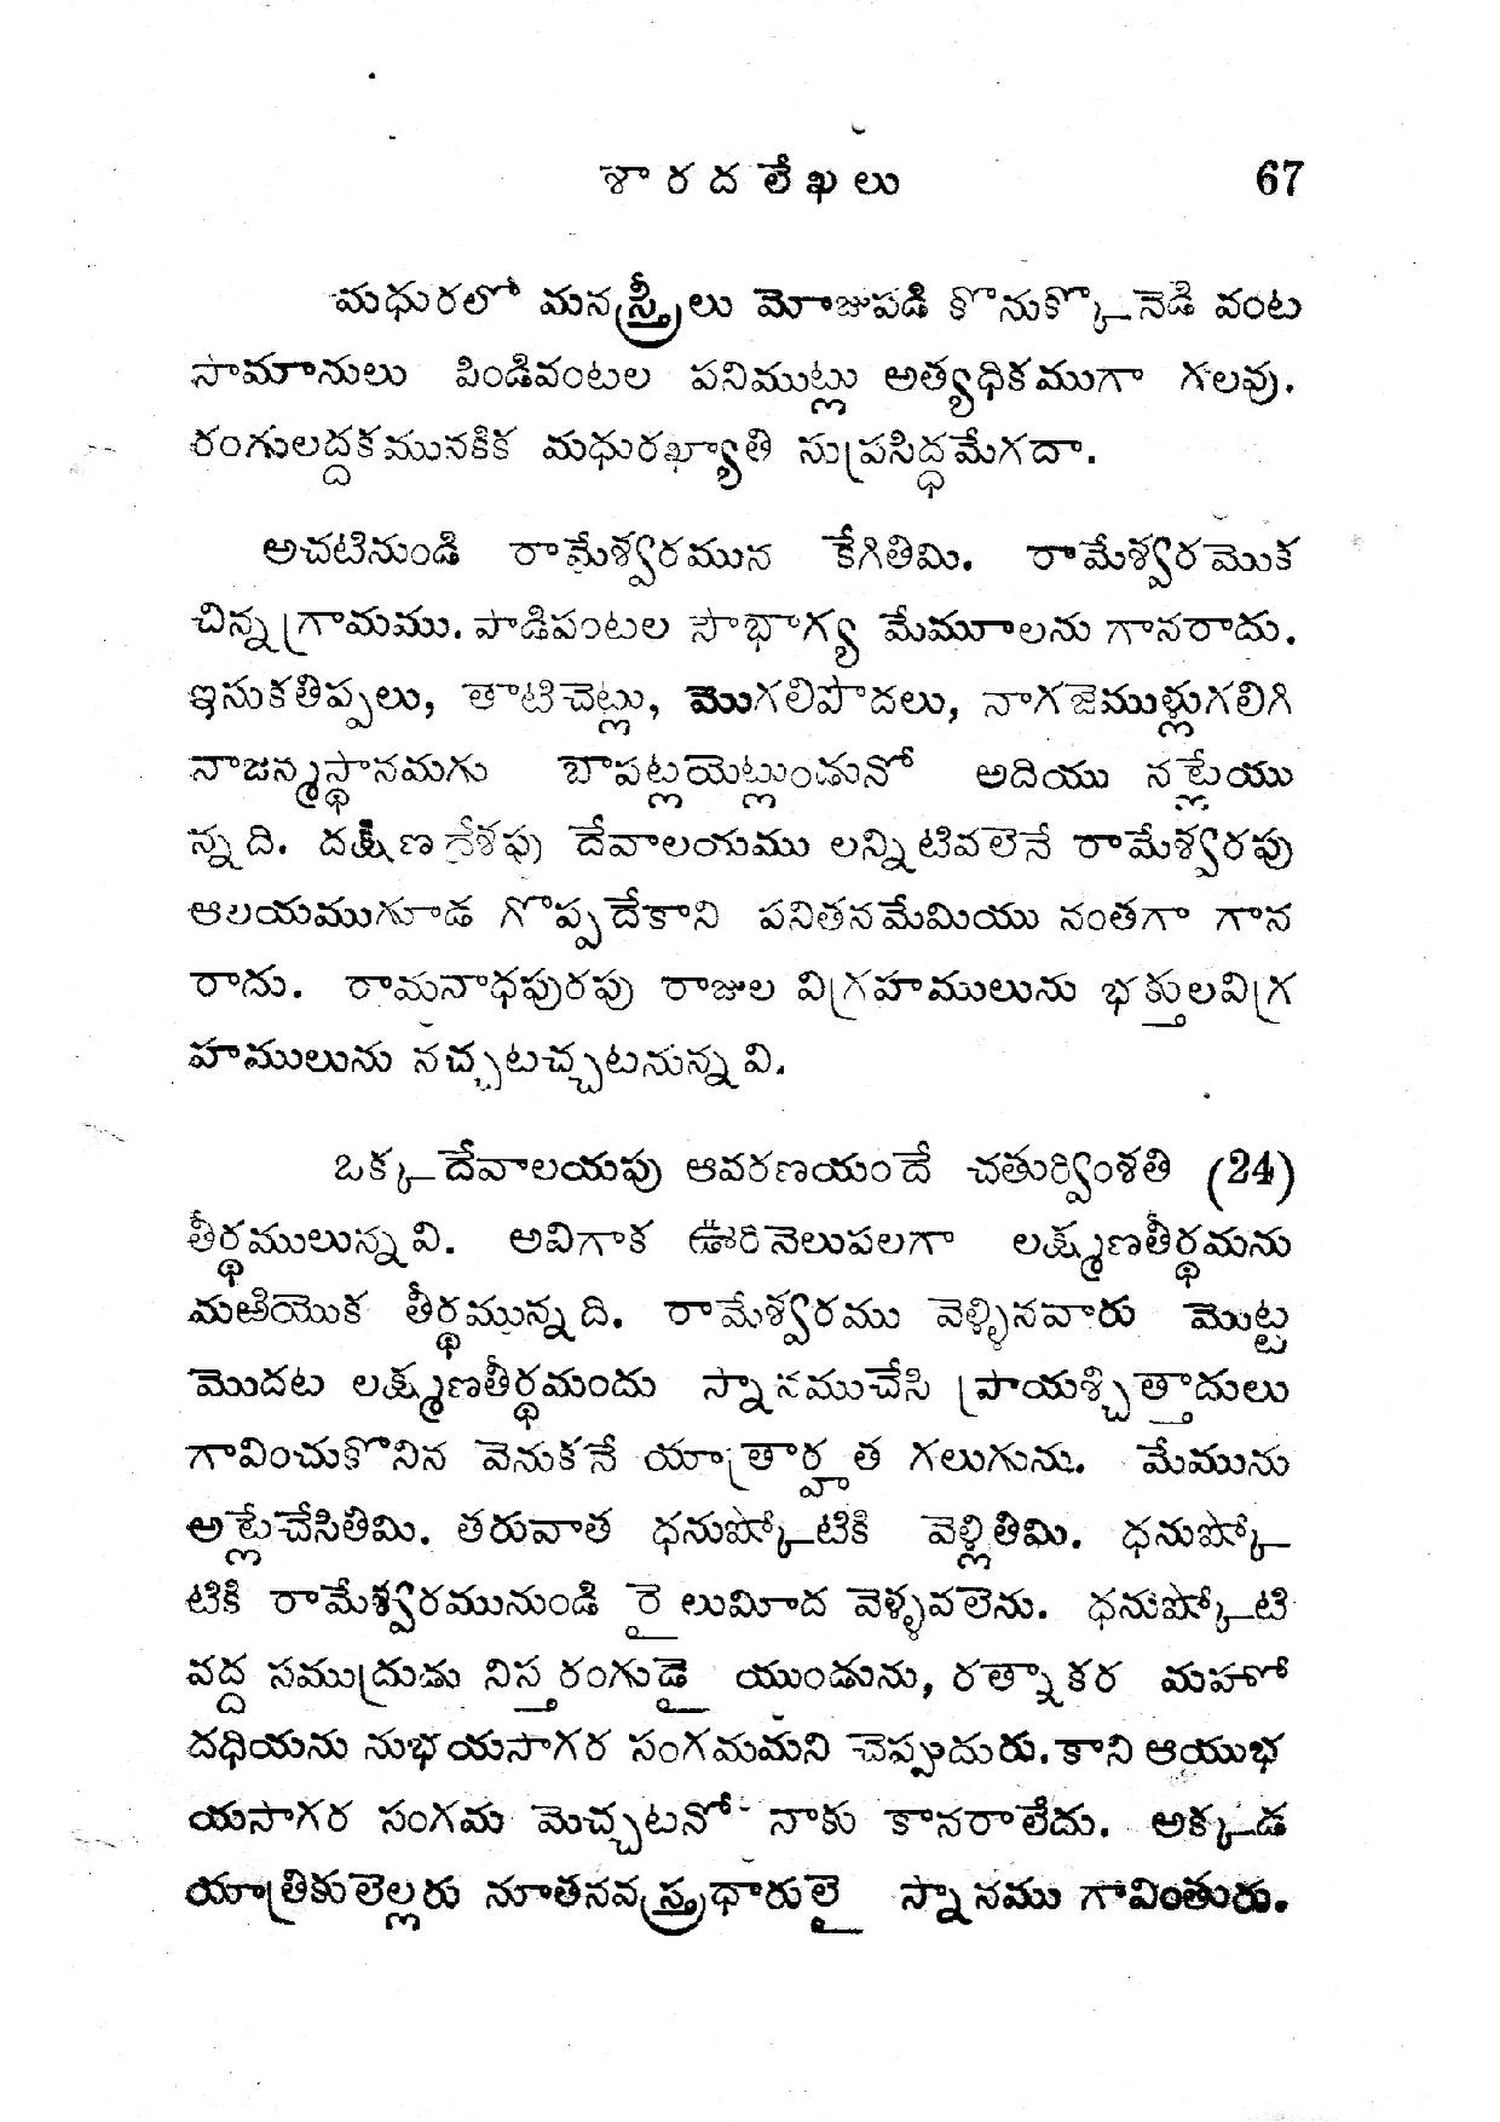మధురలో మనస్త్రీలు మోజుపడి కొనుక్కొనెడి వంటసామానులు పిండివంటల పనిముట్లు అత్యధికముగా గలవు. రంగులద్దకమునకిక మధురఖ్యాతి సుప్రసిద్ధమేగదా.

అచటినుండి రామేశ్వరమున కేగితిమి. రామేశ్వరమొక చిన్నగ్రామము. పాడిపంటల సౌభాగ్య మేమూలను గానరాదు. ఇసుకతిప్పలు, తాటిచెట్లు, మొగలిపొదలు, నాగజెముళ్లుగలిగి నాజన్మస్థానమగు బాపట్లయెట్లుండునో అదియు నట్లేయున్నది. దక్షిణదేశపు దేవాలయము లన్నిటివలెనే రామేశ్వరపు
ఆలయముగూడ గొప్పదేకాని పనితనమేమియు నంతగా గానరాదు. రామనాధపురపు రాజుల విగ్రహములును భక్తులవిగ్రహములును నచ్చటచ్చటనున్నవి.

ఒక్కదేవాలయపు ఆవరణయందే చతుర్వింశతి (24) తీర్థములున్నవి. అవిగాక ఊరివెలుపలగా లక్ష్మణతీర్థమను మఱియొక తీర్థమున్నది. రామేశ్వరము వెళ్ళినవారు మొట్టమొదట లక్ష్మణతీర్థమందు స్నానముచేసి ప్రాయశ్చిత్తాదులు గావించుకొనిన వెనుకనే యాత్రార్హత గలుగును. మేమును అట్లేచేసితిమి. తరువాత ధనుష్కోటికి వెళ్లితిమి. ధనుష్కోటికి రామేశ్వరమునుండి రైలుమీద వెళ్ళవలెను. ధనుష్కోటి వద్ద సముద్రుడు నిస్తరంగుడై యుండును, రత్నాకర మహోదధియను నుభయసాగర సంగమమని చెప్పుదురు. కాని ఆయుభయసాగర సంగమ మెచ్చటనో నాకు కానరాలేదు. అక్కడ యాత్రికులెల్లరు నూతనవస్త్రధారులై స్నానము గావింతురు.